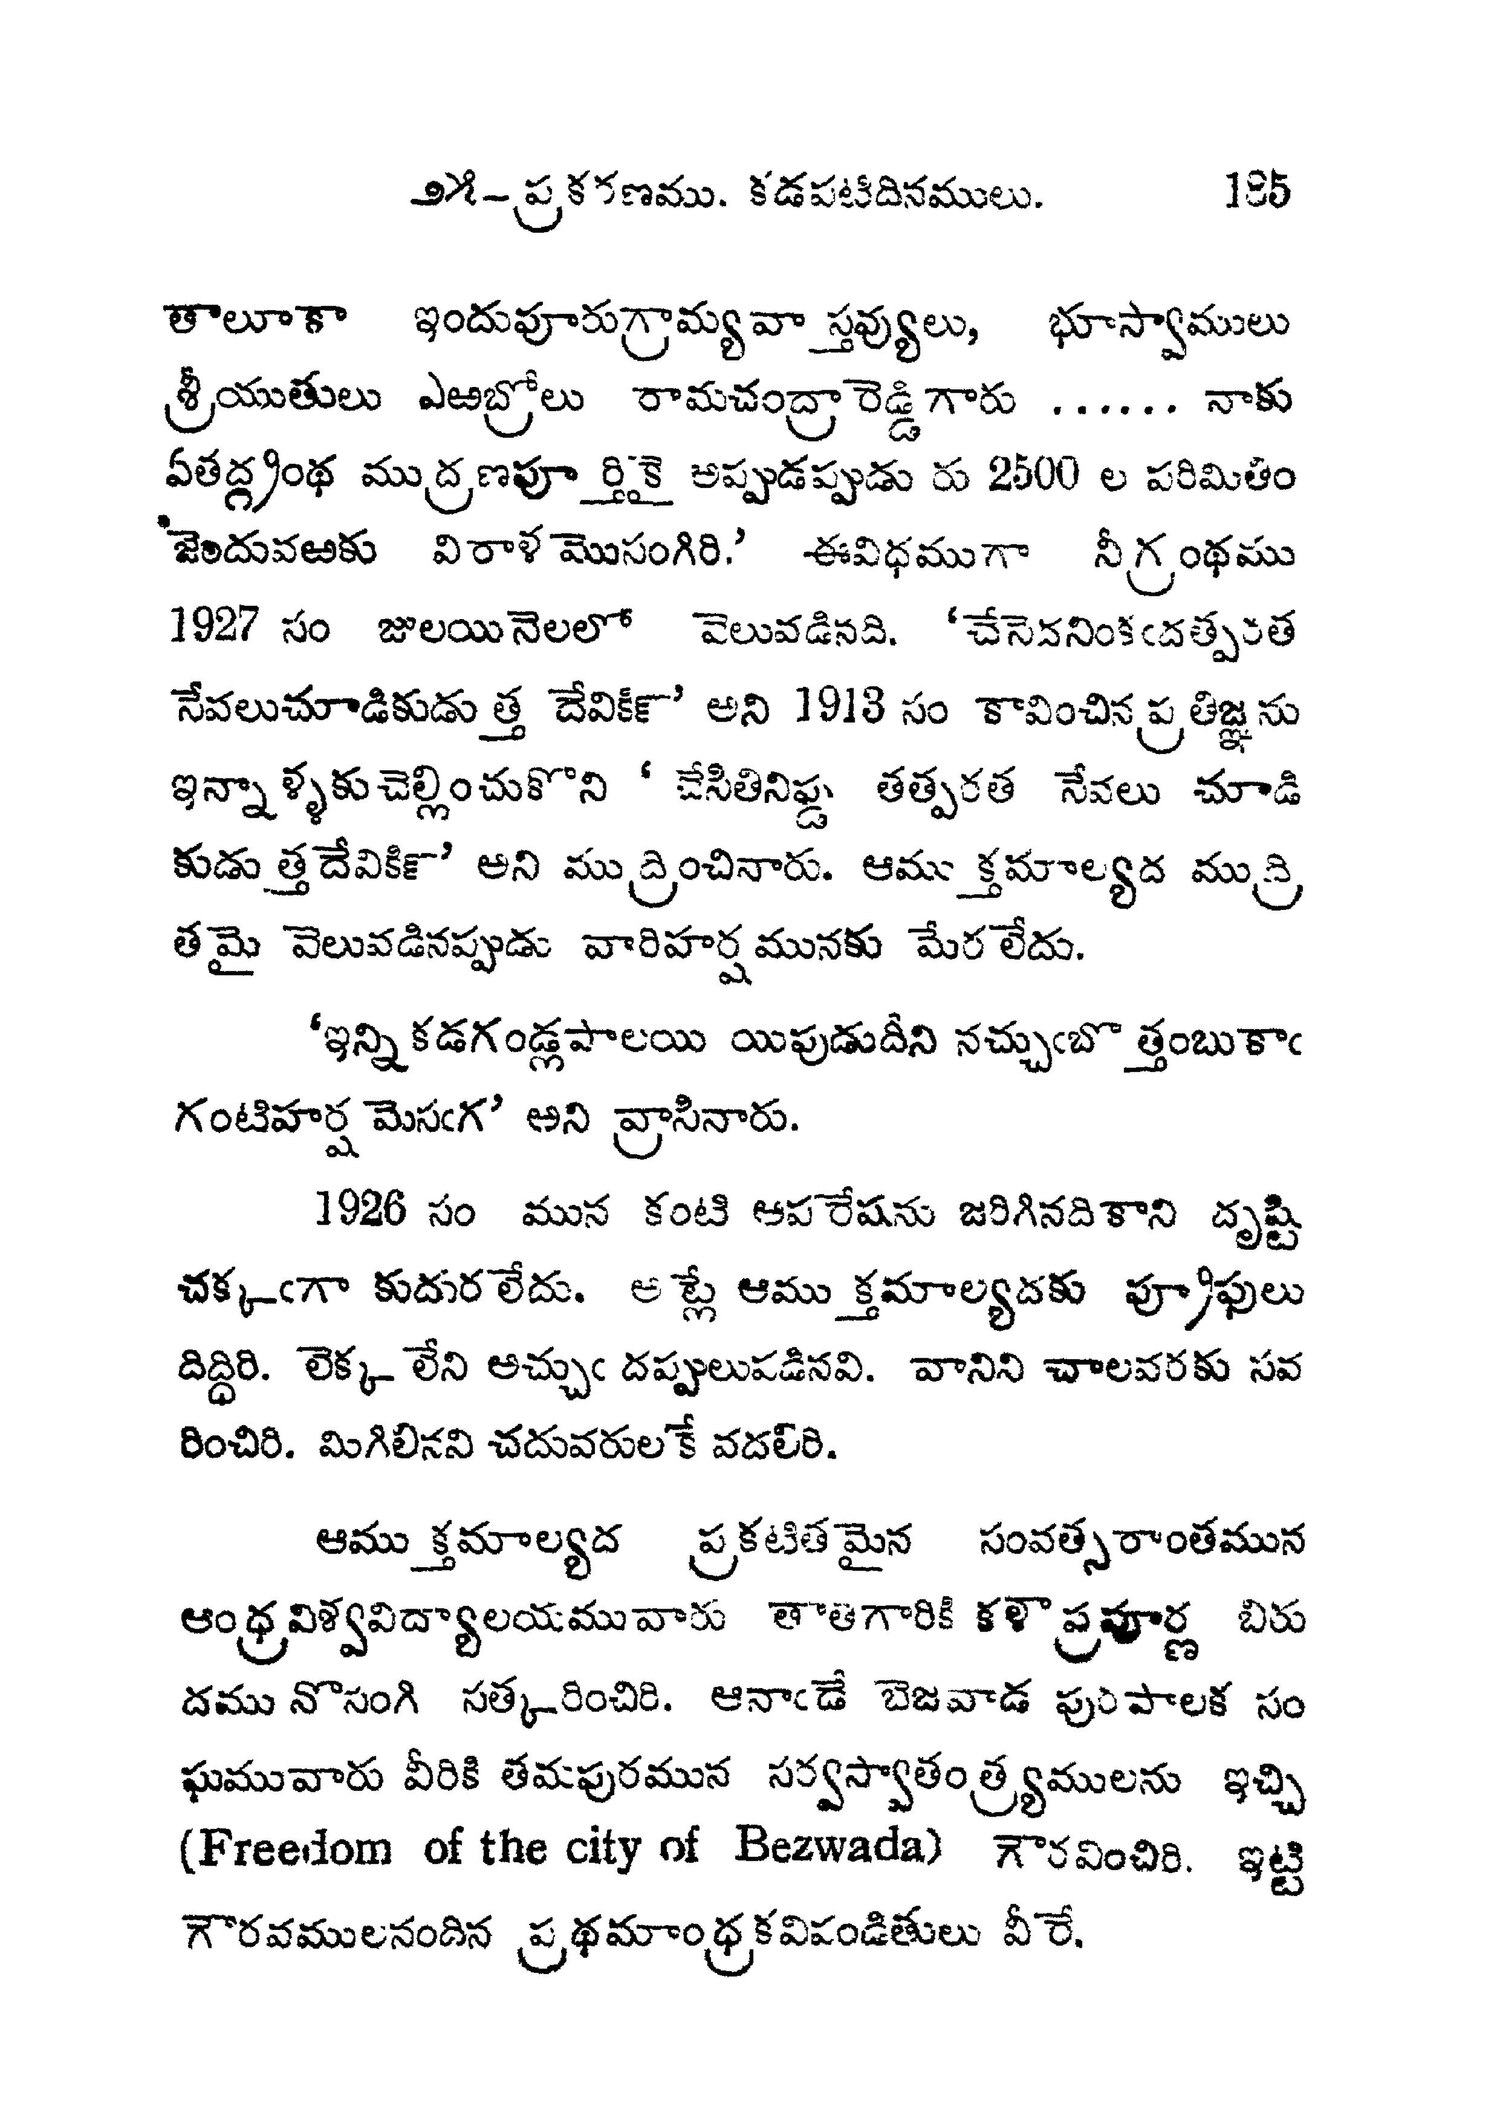తాలుకా ఇందువూరుగ్రామ్యవాస్తవ్యులు, భూస్వాములు శ్రీయుతులు ఎఱబ్రోలు రామచంద్రారెడ్డిగారు ....... నాకు ఏతద్గ్రంథ ముద్రణపూర్తికై అప్పుడప్పుడు రు. 2500 ల పరిమితిం జెందువఱకు విరాళమొసంగిరి.' ఈవిధముగా నీగ్రంథము 1927 సం జులయినెలలో వెలువడినది. 'చేసెదనింకదత్పరత సేవలు చూడికుడుత్త దేవికిన్‌' అని 1913 సం కావించిన ప్రతిజ్ఞను ఇన్నాళ్ళకు చెల్లించుకొని 'చేసితినిప్డు తత్పరత సేవలు చూడికుడుత్తదేవికిన్‌' అని ముద్రించినారు. ఆముక్తమాల్యద ముద్రితమై వెలువడినప్పుడు వారిహర్షమునకు మేరలేదు.

'ఇన్ని కడగండ్లపాలయి యిపుడుదీని నచ్చుబొత్తంబుకా గంటిహర్ష మెసగ' అని వ్రాసినారు.

1926 సం మున కంటి ఆపరేషను జరిగినదికాని దృష్టి చక్కగా కుదురలేదు. అట్లే ఆముక్తమాల్యదకు ప్రూపులు దిద్దిరి. లెక్క లేని అచ్చు దప్పులుపడినవి. వానిని చాలవరకు సవరించిరి. మిగిలినవి చదువరులకే వదలిరి.

ఆముక్తమాల్యద ప్రకటితమైన సంవత్సరాంతమున ఆంధ్రవిశ్వవిద్యాలయమువారు తాతగారికి కళాప్రపూర్ణ బిరుదము నొసంగి సత్కరించిరి. ఆనాడే బెజవాడ పురపాలక సంఘమువారు వీరికి తమపురమున సర్వస్వాతంత్ర్యములను ఇచ్చి (Freedom of the city of Bezwada) గౌరవించిరి. ఇట్టి గౌరవములనందిన ప్రథమాంధ్రకవిపండితులు వీరే.